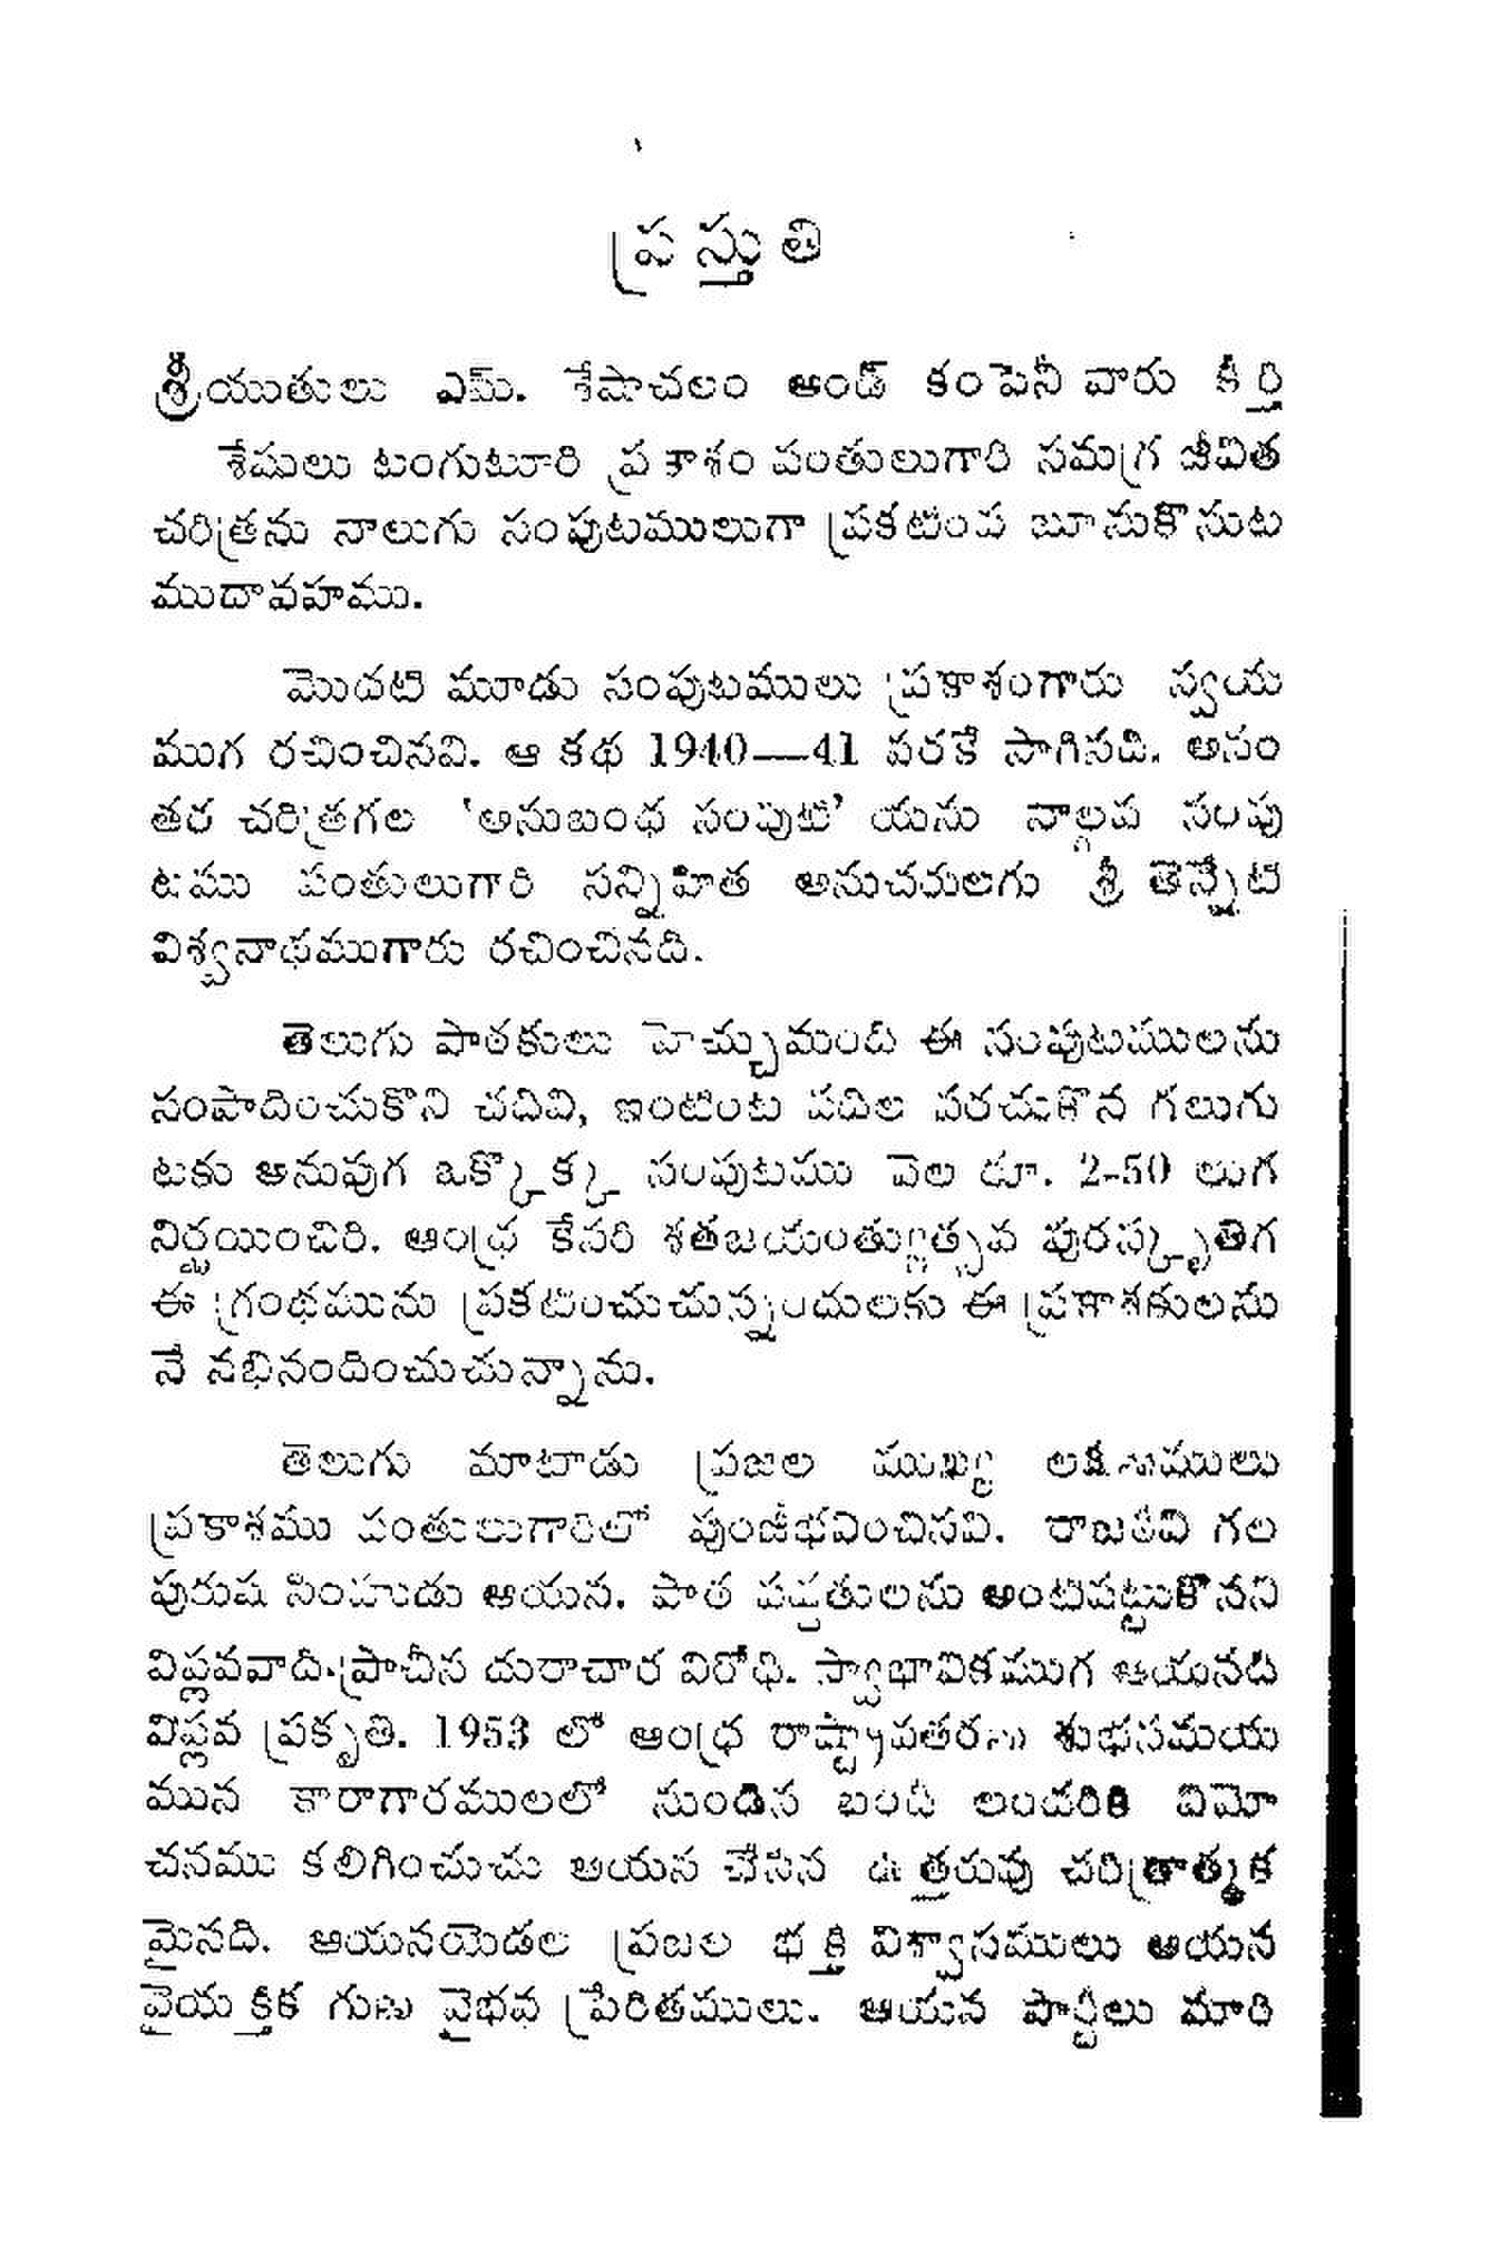శ్రీయుతులు ఎం. శేషాచలం అండ్ కంపెనీ వారు కీర్తిశేషులు టంగుటూరి ప్రకాశం పంతులు గారి సమగ్ర జీవిత చరిత్రను నాలుగు సంపుటములుగా ప్రకటింప బూనుకొనుట ముదావహము.

మొదటి మూడు సంపుటములు ప్రకాశంగారు స్వయముగ రచించినవి. ఆ కథ 1940 - 41 వరకే సాగినది. అనంతర చరిత్రగల 'అనుబంధ సంపుటి' యను నాల్గవ సంపుటము పంతులుగారి సన్నిహిత అనుచరులగు శ్రీ తెన్నేటి విశ్వనాథముగారు రచించినది.

తెలుగు పాఠకులు హెచ్చుమంది ఈ సంపుటములను సంపాదించుకొని చదివి, ఇంటింట పదిల పరచుకొన గలుగుటకు అనువుగ ఒక్కొక్క సంపుటము వెల రూ. 2-50 లుగ నిర్ణయించిరి. ఆంధ్ర కేసరి శతజయంత్వుత్సవ పురస్కృతిగ ఈ గ్రంథమును ప్రకటించు చున్నందులకు ఈ ప్రకాశకులను నే నభినందించుచున్నాను.

తెలుగు మాటాడు ప్రజల ముఖ్య లక్షణములు ప్రకాశము పంతులుగారిలో పుంజీభవించినవి. రాజఠీవి గల పురుష సింహుడు ఆయన. పాత పద్దతులను అంటిపట్టుకొనని విప్లవవాది. ప్రాచీన దురాచార విరోధి. స్వాభావికముగ ఆయనది విప్లవ ప్రకృతి. 1953 లో ఆంధ్ర రాష్ట్రావతరము శుభసమయమున కారాగారములలో నుండిన బందీ లందరికి విమోచనము కలిగించుచు ఆయన చేసిన ఉత్తరువు చరిత్రాత్మకమైనది. ఆయనయెడల ప్రజల భక్తి విశ్వాసములు ఆయన వైయక్తిక గుణ వైభవ ప్రేరితములు. ఆయన పార్టీలు మారి